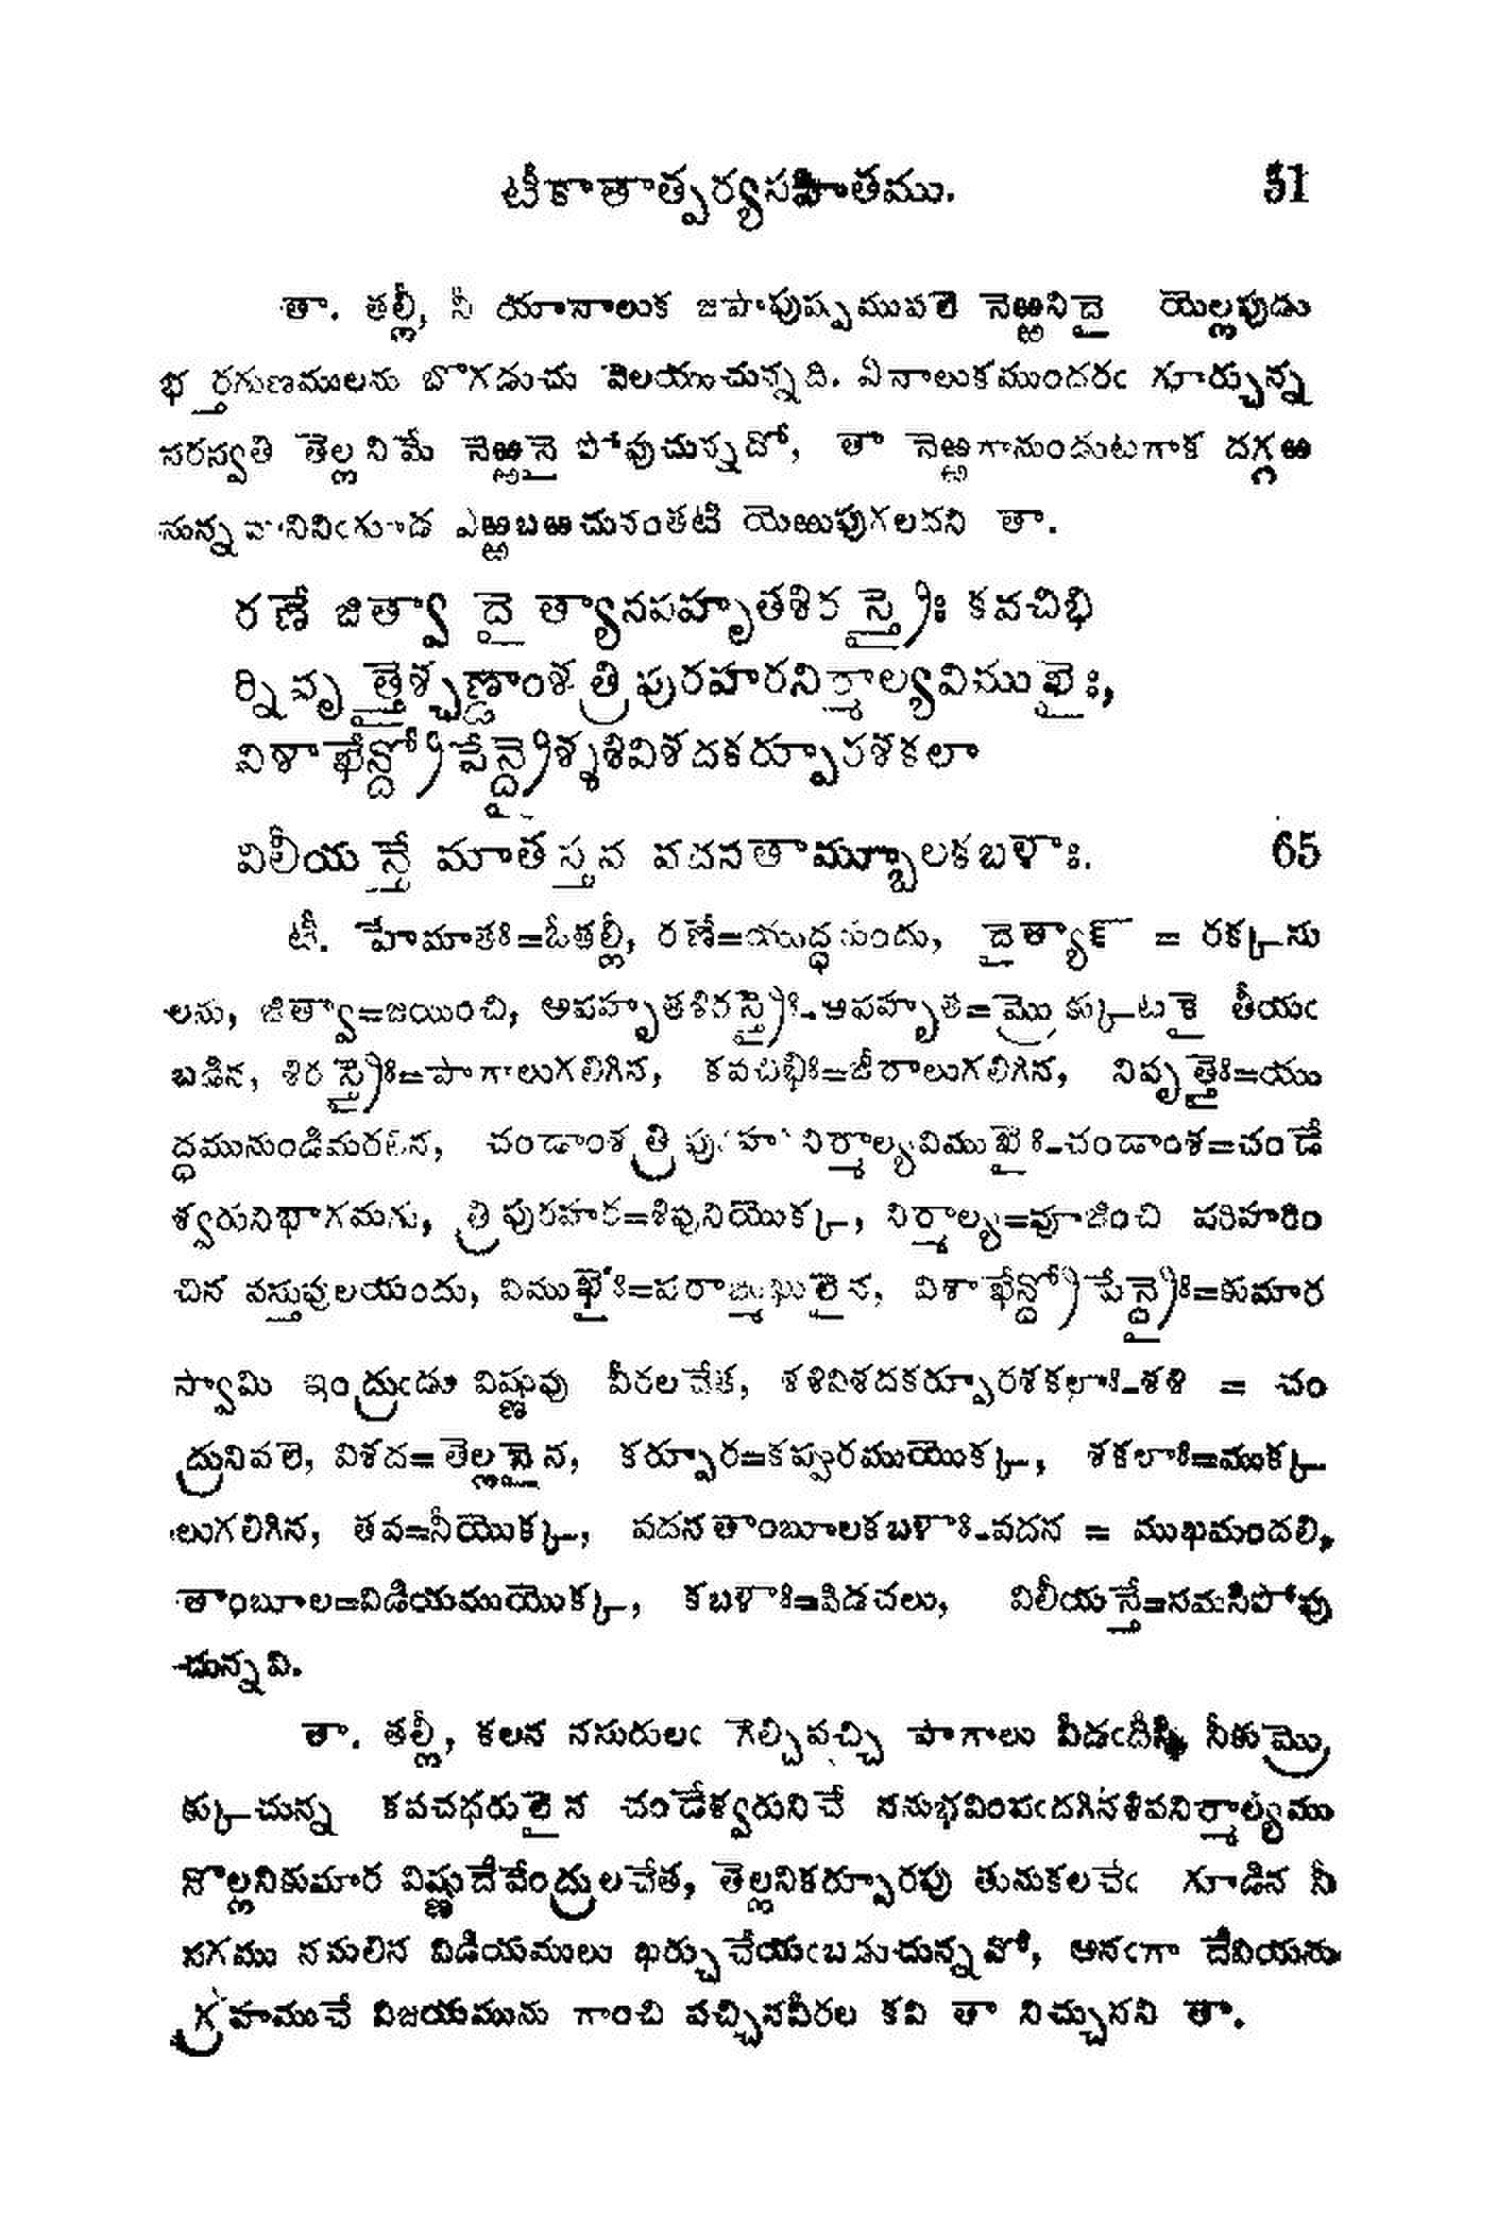తా. తల్లీ, నీ యానాలుక జపాపుష్పమువలె నెఱ్ఱనిదై యెల్లపుడు భర్తగుణములను బొగడుచు వెలయుచున్నది. ఏనాలుకముందరఁ గూర్చున్న సరస్వతి తెల్లనిమే నెఱ్ఱనై పోవుచున్నదో, తా నెఱ్ఱగానుండుటగాక దగ్గఱనున్నవానినిఁగూడ ఎఱ్ఱబఱచునంతటి యెఱుపుగలదని తా.

రణే జిత్వా దై త్యానపహృతశిరస్త్రైః కవచిభి
ర్నివృత్తైశ్చణ్డాంశత్రిపురహరనిర్మాల్యవిముఖైః,
విశాఖేన్ద్రోవేన్ద్రైశ్శశివిశదకర్పూరశకలా
విలీయన్తే మాతస్తవ వదనతామ్బూలకబళాః. 65
టీ. హేమాతః = ఓతల్లీ, రణే = యుద్ధమందు, దైత్యాన్ = రక్కసులను, జిత్వా = జయించి, అపహృతశిరస్త్రైః-అపహృత = మ్రొక్కుటకై తీయఁబడిన, శిరస్త్రైః = పాగాలుగలిగిన, కవచిభిః = జీరాలుగలిగిన, నివృత్తైః = యుద్ధమునుండిమరలిన, చండాంశత్రిపురహరనిర్మాల్యవిముఖైః-చండాంశ = చండేశ్వరునిభాగమగు, త్రిపురహర = శివునియొక్క, నిర్మాల్య = పూజించి పరిహరించిన వస్తువులయందు, విముఖైః = పరాఙ్ముఖులైన, విశాఖేన్ద్రోపేన్ద్రైః = కుమారస్వామి ఇంద్రుఁడు విష్ణువు వీరలచేత, శశివిశదకర్పూరశకలాః-శశి = చంద్రునివలె, విశద = తెల్లనైన, కర్పూర = కప్పురముయొక్క, శకలాః = ముక్కలుగలిగిన, తవ = నీయొక్క, వదనతాంబూలకబళాః-వదన = ముఖమందలి, తాంబూల = విడియముయొక్క, కబళాః = పిడచలు, విలీయన్తే = సమసిపోవుచున్నవి.

తా. తల్లీ, కలన నసురులఁ గెల్చివచ్చి పాగాలు వీడఁదీసి నీకుమ్రొక్కుచున్న కవచధరులైన చండేశ్వరునిచే ననుభవింపఁదగినశివనిర్మాల్యము నొల్లనికుమార విష్ణుదేవేంద్రులచేత, తెల్లనికర్పూరపు తునుకలచేఁ గూడిన నీ సగము నమిలిన విడియములు ఖర్చుచేయఁబడుచున్నవో, అనఁగా దేవియనుగ్రహముచే విజయమును గాంచి వచ్చినవీరల కవి తా నిచ్చునని తా.